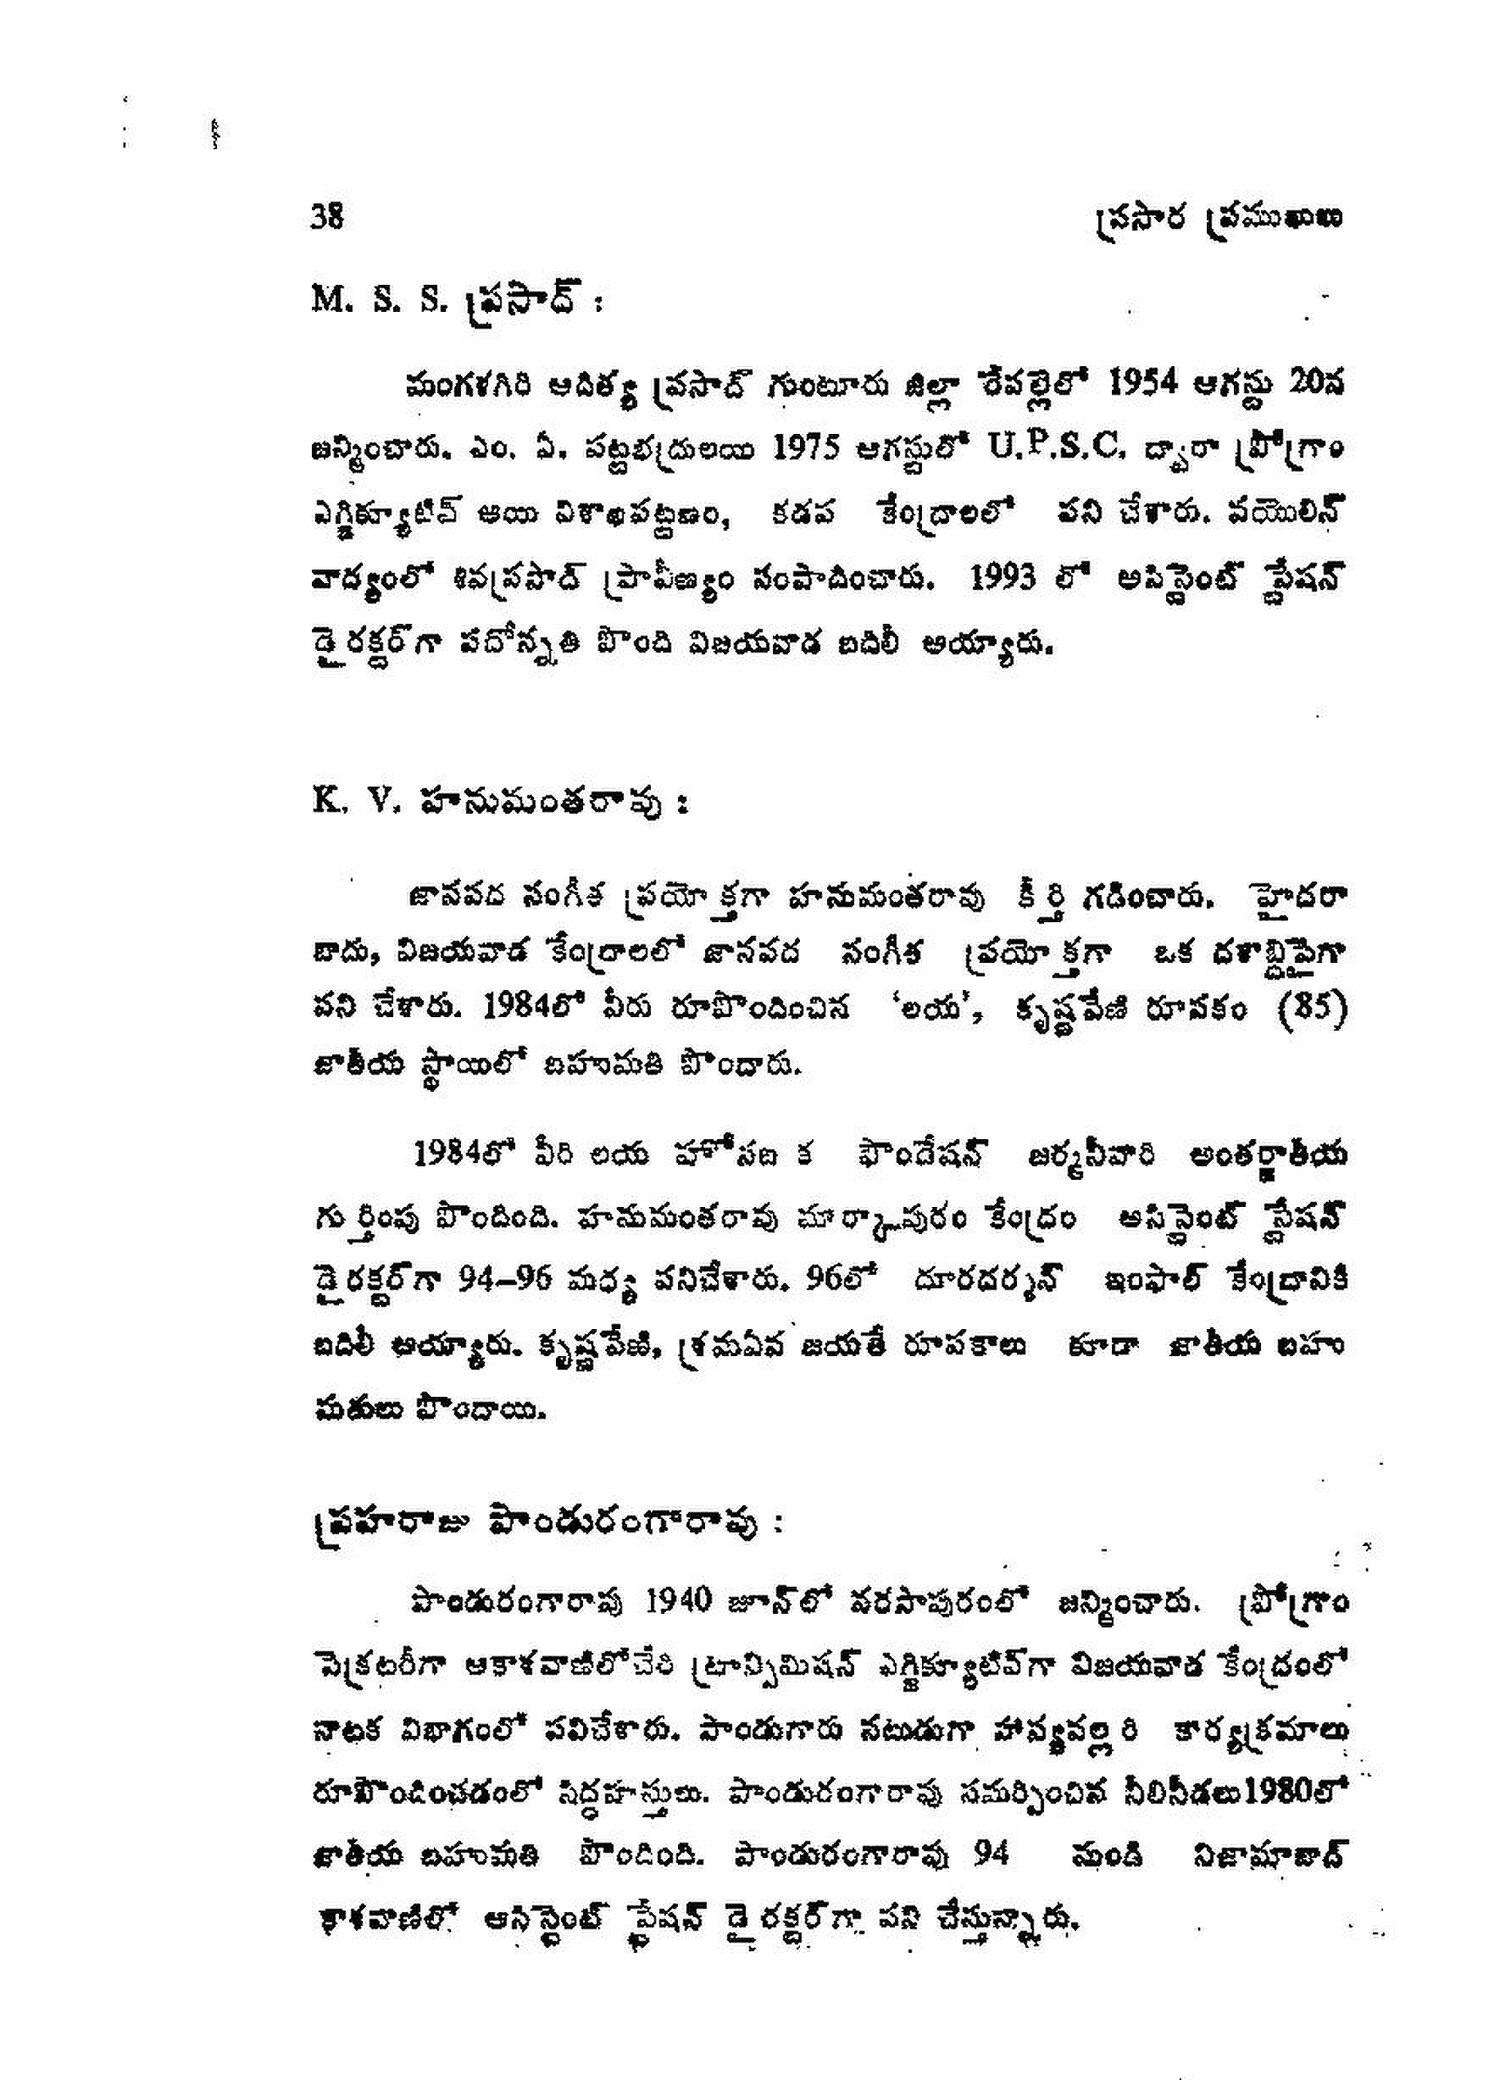మంగళగిరి ఆదిత్య ప్రసాద్ గుంటూరు జిల్లా రేపల్లెలో 1954 ఆగస్టు 20న జన్మించారు. ఎం. ఏ. పట్టభద్రులయి 1975 ఆగస్టులో U. P. S. C. ద్వారా ప్రోగ్రాం ఎగ్జిక్యూటివ్ అయి విశాఖపట్టణం, కడప కేంద్రాలలో పనిచేశారు. వయొలిన్ వాద్యంలో శివప్రసాద్ ప్రావీణ్యం సంపాదించారు. 1993లో అసిస్టెంట్ స్టేషన్ డైరక్టర్‌గా పదోన్నతి పొంది విజయవాడ బదిలీ అయ్యారు.

జానపద సంగీత ప్రయోక్తగా హనుమంతరావు కీర్తి గడించారు. హైదరాబాదు, విజయవాడ కేంద్రాలలో జానపద సంగీత ప్రయోక్తగా ఒక దశాబ్దిపైగా పని చేశారు. 1984లో వీరు రూపొందించిన 'లయ', కృష్ణవేణి రూపకం (85) జాతీయ స్థాయిలో బహుమతి పొందారు.

1984లో వీరి లయ హోసబక ఫౌండేషన్ జర్మనీవారి అంతర్జాతీయ గుర్తింపు పొందింది. హనుమంతరావు మార్కాపురం కేంద్రం అసిస్టెంట్ స్టేషన్ డైరక్టర్‌గా 94-96 మధ్య పనిచేశారు. 96లో దూరదర్శన్ ఇంఫాల్ కేంద్రానికి బదిలీ అయ్యారు. కృష్ణవేణి, శ్రమఏవ జయతే రూపకాలు కూడా జాతీయ బహుమతులు పొందాయి.

పాండురంగారావు 1940 జూన్‌లో నరసాపురంలో జనిమించారు. ప్రోగ్రాం సెక్రటరీగా ఆకాశవాణిలోచేరి ట్రాన్సిమిషన్ ఎగ్జిక్యూటివ్‌గా విజయవాడ కేంద్రంలో నాటక విభాగంలో పనిచేశారు. పాండుగారు నటుడుగా హాస్యవల్లరి కార్యక్రమాలు రూపొందించడంలో సిద్దహస్తులు. పాండురంగారావు సమర్పించిన నీలినీడలు 1980లో జాతీయ బహుమతి పొందింది. పాండురంగారావు 94 నుండి నిజామాబాద్ ఆకాశవాణిలో అసిస్టెంట్ స్టేషన్ డైరక్టర్‌గా పని చేస్తున్నారు.